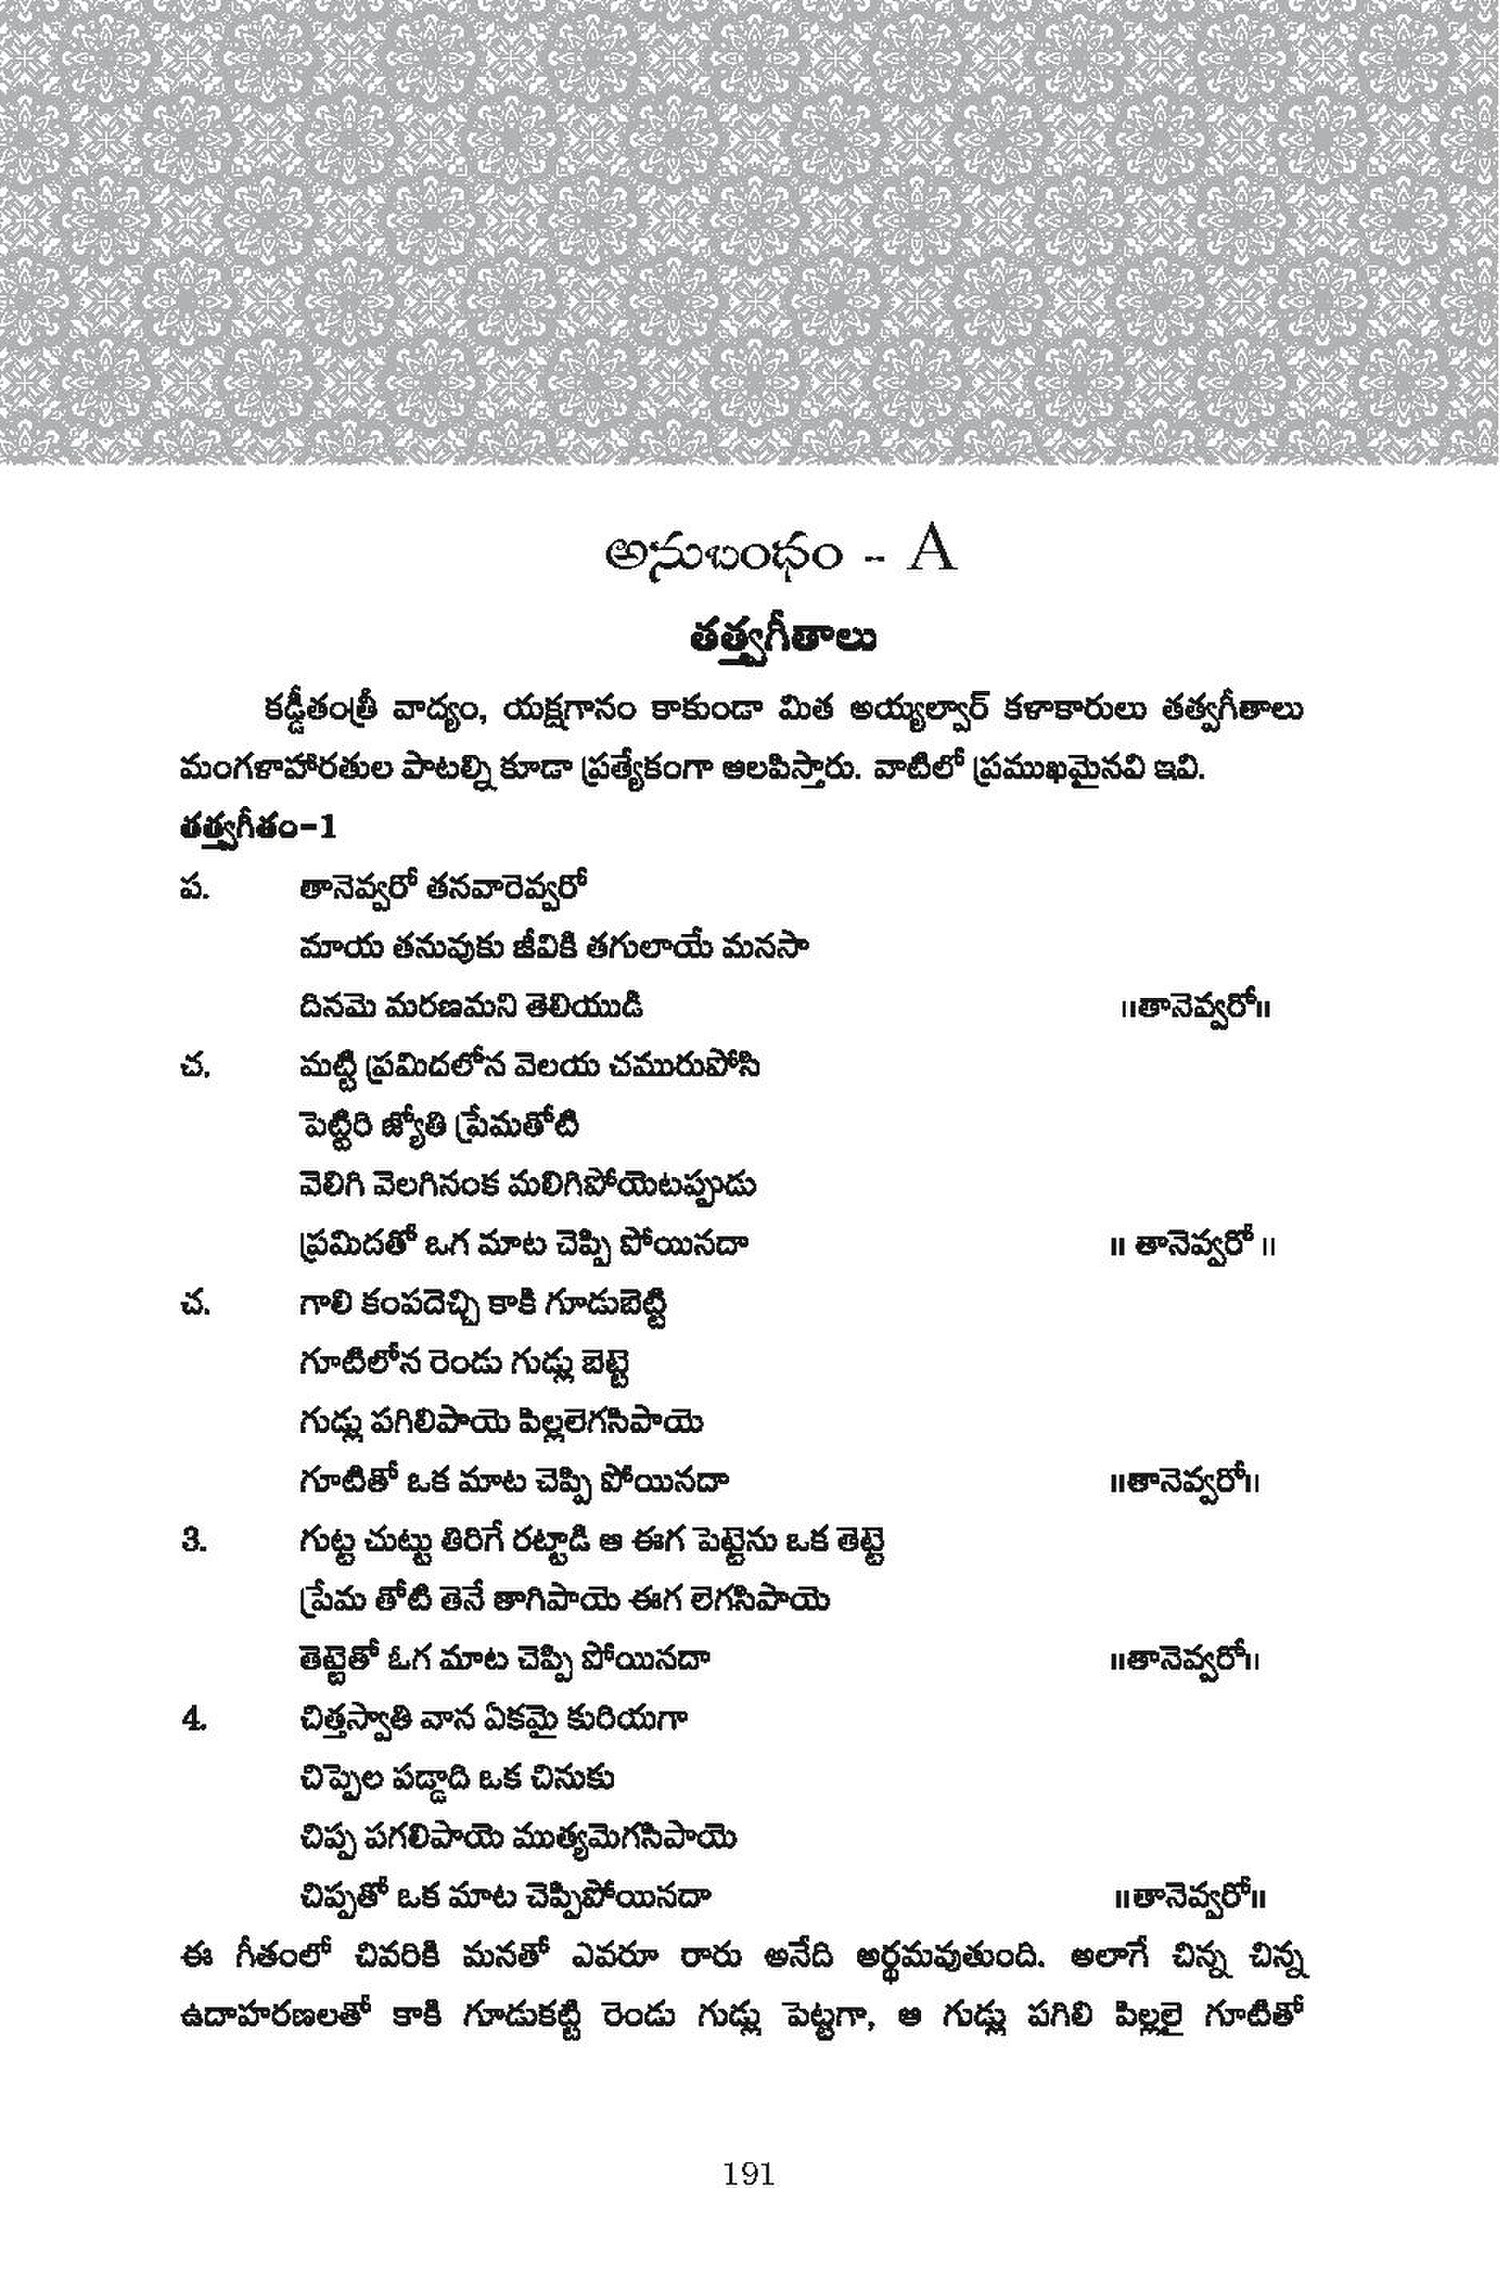కడ్డీతంత్రీ వాద్యం, యక్షగానం కాకుండా మిత అయ్యల్వార్ కళాకారులు తత్వగీతాలు మంగళాహారతుల పాటల్ని కూడా ప్రత్యేకంగా ఆలపిస్తారు. వాటిలో ప్రముఖమైనవి ఇవి.

తత్త్వగీతం-1

ప. తానెవ్వరో తనవారెవ్వరో
మాయ తనువుకు జీవికి తగులాయే మనసా
దినమె మరణమని తెలియుడి ॥ తానెవ్వరో ॥

చ. మట్టి ప్రమిదలోన వెలయ చమురుపోసి
పెట్టిరి జ్యోతి ప్రేమతోటి
వెలిగి వెలగినంక మలిగిపోయెటప్పుడు
ప్రమిదతో ఒగ మాట చెప్పి పోయినదా॥ తానెవ్వరో ॥

చ. గాలి కంపదెచ్చి కాకి గూడుబెట్టి
గూటిలోన రెండు గుడ్లు బెట్టె
గుడ్లు పగిలిపాయె పిల్లలెగసిపాయె
గూటితో ఒక మాట చెప్పి పోయినదా॥తానెవ్వరో౹౹

3.గుట్ట చుట్టు తిరిగే రట్టాడి ఆ ఈగ పెట్టెను ఒక తెట్టె
ప్రేమ తోటి తెనే తాగిపాయె ఈగ లెగసిపాయె
తెట్టెతో ఓగ మాట చెప్పి పోయినదా॥తానెవ్వరో॥

4.చిత్తస్వాతి వాన ఏకమై కురియగా
చిప్పెల పడ్డాది ఒక చినుకు
చిప్ప పగలిపాయె ముత్యమెగసిపాయె
చిప్పతో ఒక మాట చెప్పిపోయినదా॥తానెవ్వరో॥

ఈ గీతంలో చివరికి మనతో ఎవరూ రారు అనేది అర్థమవుతుంది. అలాగే చిన్న చిన్న ఉదాహరణలతో కాకి గూడుకట్టి రెండు గుడ్లు పెట్టగా, ఆ గుడ్లు పగిలి పిల్లలై గూటితో